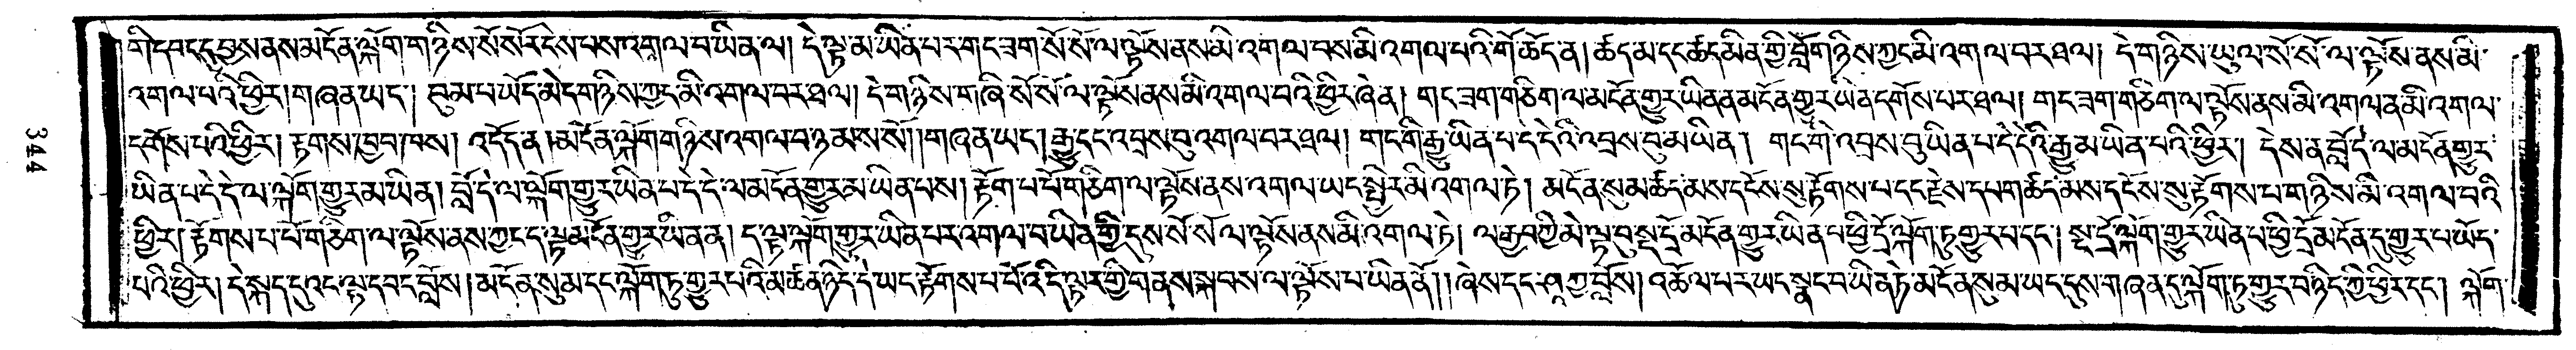གི་དབང་དུ་བྱས་ནས་མངོན་ལྐོག་གཉིས་སོ་སོར་ངེས་པས་འགལ་བ་ཡིན་ལ། དེ་ལྟ་མ་ཡིན་པར་གང་ཟག་སོ་སོ་ལ་ལྟོས་ནས་མི་འགལ་བས་མི་འགལ་བའི་གོ་ཆོད་ན། ཚད་མ་དང་ཚད་མིན་གྱི་བློ་གཉིས་ཀྱང་མི་འགལ་བར་ཐལ། དེ་གཉིས་ཡུལ་སོ་སོ་ལ་ལྟོས་ནས་མི་
འགལ་བའི་ཕྱིར། གཞན་ཡང་། བུམ་པ་ཡོད་མེད་གཉིས་ཀྱང་མི་འགལ་བར་ཐལ། དེ་གཉིས་གཞི་སོ་སོ་ལ་ལྟོས་ནས་མི་འགལ་བའི་ཕྱིར་ཞེ་ན། གང་ཟག་གཅིག་ལ་མངོན་གྱུར་ཡིན་ན་མངོན་གྱུར་ཡིན་དགོས་པར་ཐལ། གང་ཟག་གཅིག་ལ་ལྟོས་ནས་མི་འགལ་ན་མི་འགལ་
དགོས་པའི་ཕྱིར། རྟགས་ཁྱབ་ཁས། འདོད་ན། མངོན་ལྐོག་གཉིས་འགལ་བ་ཉམས་སོ། །གཞན་ཡང་། རྒྱུ་དང་འབྲས་བུ་འགལ་བར་ཐལ། གང་གི་རྒྱུ་ཡིན་པ་དེ་དེའི་འབྲས་བུ་མ་ཡིན། གང་གི་འབྲས་བུ་ཡིན་པ་དེ་དེའི་རྒྱུ་མ་ཡིན་པའི་ཕྱིར། དེས་ན་བློ་དེ་ལ་མངོན་གྱུར་
ཡིན་པ་དེ་དེ་ལ་ལྐོག་གྱུར་མ་ཡིན། བློ་དེ་ལ་ལྐོག་གྱུར་ཡིན་པ་དེ་དེ་ལ་མངོན་གྱུར་མ་ཡིན་པས། རྟོག་པ་པོ་གཅིག་ལ་ལྟོས་ནས་འགལ་ཡང་སྤྱིར་མི་འགལ་ཏེ། མངོན་སུམ་ཚད་མས་དངོས་སུ་རྟོགས་པ་དང་རྗེས་དཔག་ཚད་མས་དངོས་སུ་རྟོགས་པ་གཉིས་མི་འགལ་བའི་
ཕྱིར༑ རྟོགས་པ་པོ་གཅིག་ལ་ལྟོས་ནས་ཀྱང་ད་ལྟ་མངོན་གྱུར་ཡིན་ན། ད་ལྟ་ལྐོག་གྱུར་ཡིན་པར་འགལ་བ་ཡིན་གྱི་དུས་སོ་སོ་ལ་ལྟོས་ནས་མི་འགལ་ཏེ། ལ་རྒྱབ་ཀྱི་མེ་ལྟ་བུ་སྔ་དྲོ་མངོན་གྱུར་ཡིན་པ་ཕྱི་དྲོ་ལྐོག་ཏུ་གྱུར་པ་དང་། སྔ་དྲོ་ལྐོག་གྱུར་ཡིན་པ་ཕྱི་དྲོ་མངོན་དུ་གྱུར་པ་ཡོད་
པའི་ཕྱིར། དེ་སྐད་དུའང་ལྷ་དབང་བློས། མངོན་སུམ་དང་ལྐོག་ཏུ་གྱུར་པའི་མཚན་ཉིད་དེ་ཡང་རྟོགས་པ་པོའི་ད་ལྟར་གྱི་གནས་སྐབས་ལ་ལྟོས་པ་ཡིན་ནོ། །ཞེས་དང་ཤཱཀྱ་བློས། འཆོལ་བར་ཡང་སྣང་བ་ཡིན་ཏེ་མངོན་སུམ་ཡང་དུས་གཞན་དུ་ལྐོག་ཏུ་གྱུར་པ་ཉིད་ཀྱི་ཕྱིར་དང་། ལྐོག་